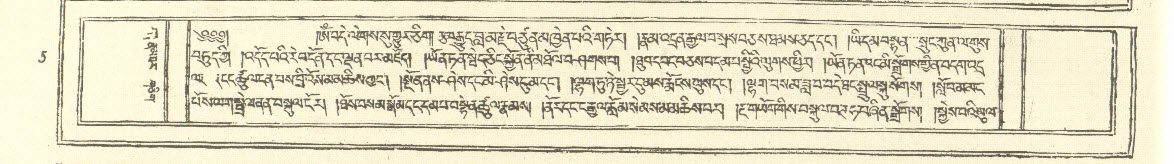༄༅༅། །ཨོཾ་བདེ་ལེགས་སུ་གྱུར་ཅིག །རྩ་བརྒྱུད་བླ་མ་རྗེ་བཙུན་མཁྱེན་པའི་གཏེར། །རྣམ་འདྲེན་རྒྱལ་བསྲས་བཅས་ཐམས་ཅད་དང་། །ཡི་དམ་བསྟན་སྲུང་ཀུན་ལ་གུས་
བཏུད་ཀྱི། །འདོད་པའི་རེ་བ་དོན་དང་ལྡན་པར་མཛོད། །ཡོན་ཏན་སྦེད་ཅིང་སྐྱོན་ནི་མཐོལ་བཤགས་པ། །ཐུབ་དབང་བཅས་པ་དམ་པ་སྤྱིའི་ལུགས་ཕྱིར། །ཡོན་ཏན་འང་མི་སྒྲོགས་གྱིན་བདག་འདྲ་
ལ། །ངང་ཚུལ་ངན་པས་བྲིའོ་སམ་མཆིས་ཀྱང་། །སྔོན་ནས་ཤེས་དང་མི་ཤེས་དུ་མ་དང་། །ལྷག་ཏུ་ཉེ་སྤྱད་དུ་མས་རྨོངས་ཡུས་དང་། །ལྷག་བསམ་ཟླ་བ་བདེ་ཐང་སྤྲུལ་སྐུ་སོགས། །སློབ་མ་མང་
པོས་ལག་སྦྲེལ་ནན་བསྐུལ་ངོར། །ཐོས་བསམ་སྒོམ་དང་དམ་པ་བསྟེན་ཚུལ་རྣམས། །ནོར་དང་ང་རྒྱལ་རློམ་སེམས་མ་མཆིས་པར། །རྔ་གཡོག་གིས་བསྐུར་བ་ཊ་ཧ་བཞིན་སྒྲོགས། །སྐྱེས་པའི་ཡུལ་